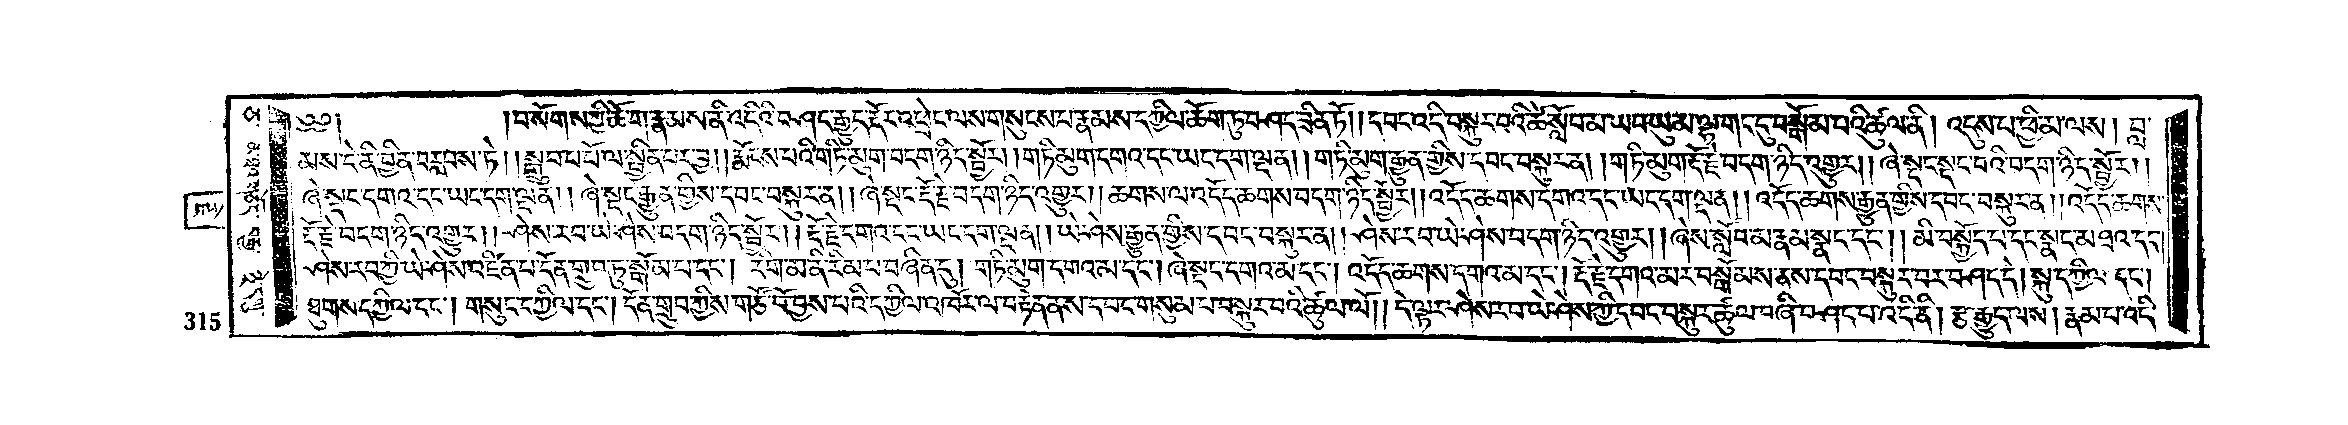༄༅། །བ་སོགས་ཀྱི་ཆོ་ག་རྣམས་ནི་འདིའི་བཤད་རྒྱུད་རྡོར་འཕྲེང་ལས་གསུངས་པ་རྣམས་དཀྱིལ་ཆོག་ཏུ་བཤད་ཟིན་ཏོ། །དབང་འདི་བསྐུར་བའི་ཚེ་སློབ་མ་ཡབ་ཡུམ་ལྷ་གང་དུ་བསྒོམ་པའི་ཚུལ་ནི། འདུས་པ་ཕྱི་མ་ལས། བླ་
མས་དེ་ནི་བྱིན་བརླབས་ཏེ། །སྒྲུབ་པ་པོ་ལ་སྦྱིན་པར་བྱ། །རྨོངས་པའི་གཏི་མུག་བདག་ཉིད་སྦྱོར། །གཏི་མུག་དགའ་དང་ཡང་དག་ལྡན། །གཏི་མུག་རྒྱུན་གྱིས་དབང་བསྐུར་ན། །གཏི་མུག་རྡོ་རྗེ་བདག་ཉིད་འགྱུར། །ཞེ་སྡང་སྡང་བའི་བདག་ཉིད་སྦྱོར། །
ཞེ་སྡང་དགའ་དང་ཡང་དག་ལྡན། །ཞེ་སྡང་རྒྱུན་གྱིས་དབང་བསྐུར་ན། །ཞེ་སྡང་རྡོ་རྗེ་བདག་ཉིད་འགྱུར། །ཆགས་ལ་འདོད་ཆགས་བདག་ཉིད་སྦྱོར། །འདོད་ཆགས་དགའ་དང་ཡང་དག་ལྡན། །འདོད་ཆགས་རྒྱུན་གྱིས་དབང་བསྐུར་ན། །འདོད་ཆགས་
རྡོ་རྗེ་བདག་ཉིད་འགྱུར། །ཤེས་རབ་ཡེ་ཤེས་བདག་ཉིད་སྦྱོར། །རྡོ་རྗེ་དགའ་དང་ཡང་དག་ལྡན། །ཡེ་ཤེས་རྒྱུན་གྱིས་དབང་བསྐུར་ན། །ཤེས་རབ་ཡེ་ཤེས་བདག་ཉིད་འགྱུར། །ཞེས་སློབ་མ་རྣམ་སྣང་དང་། །མི་བསྐྱོད་པ་དང་སྣང་མཐའ་དང་།
ཤེས་རབ་ཀྱི་ཡེ་ཤེས་འཛིན་པ་དོན་གྲུབ་ཏུ་སྒོམ་པ་དང་། རིག་མ་ནི་རིམ་པ་བཞིན་དུ། གཏི་མུག་དགའ་མ་དང་། ཞེ་སྡང་དགའ་མ་དང་། འདོད་ཆགས་དགའ་མ་དང་། རྡོ་རྗེ་དགའ་མར་བསྒོམས་ནས་དབང་བསྐུར་བར་བཤད་དེ། སྐུ་དཀྱིལ་དང་།
ཐུགས་དཀྱིལ་དང་། གསུང་དཀྱིལ་དང་། དོན་གྲུབ་ཀྱིས་གཙོ་བོ་བྱས་པའི་དཀྱིལ་འཁོར་ལ་བརྟེན་ནས་དབང་གསུམ་པ་བསྐུར་བའི་ཚུལ་ལོ། །དེ་ལྟར་ཤེས་རབ་ཡེ་ཤེས་ཀྱི་དབང་བསྐུར་ཚུལ་བཞི་བཤད་པ་འདི་ནི། རྩ་རྒྱུད་ལས། རྣམ་པ་འདི་